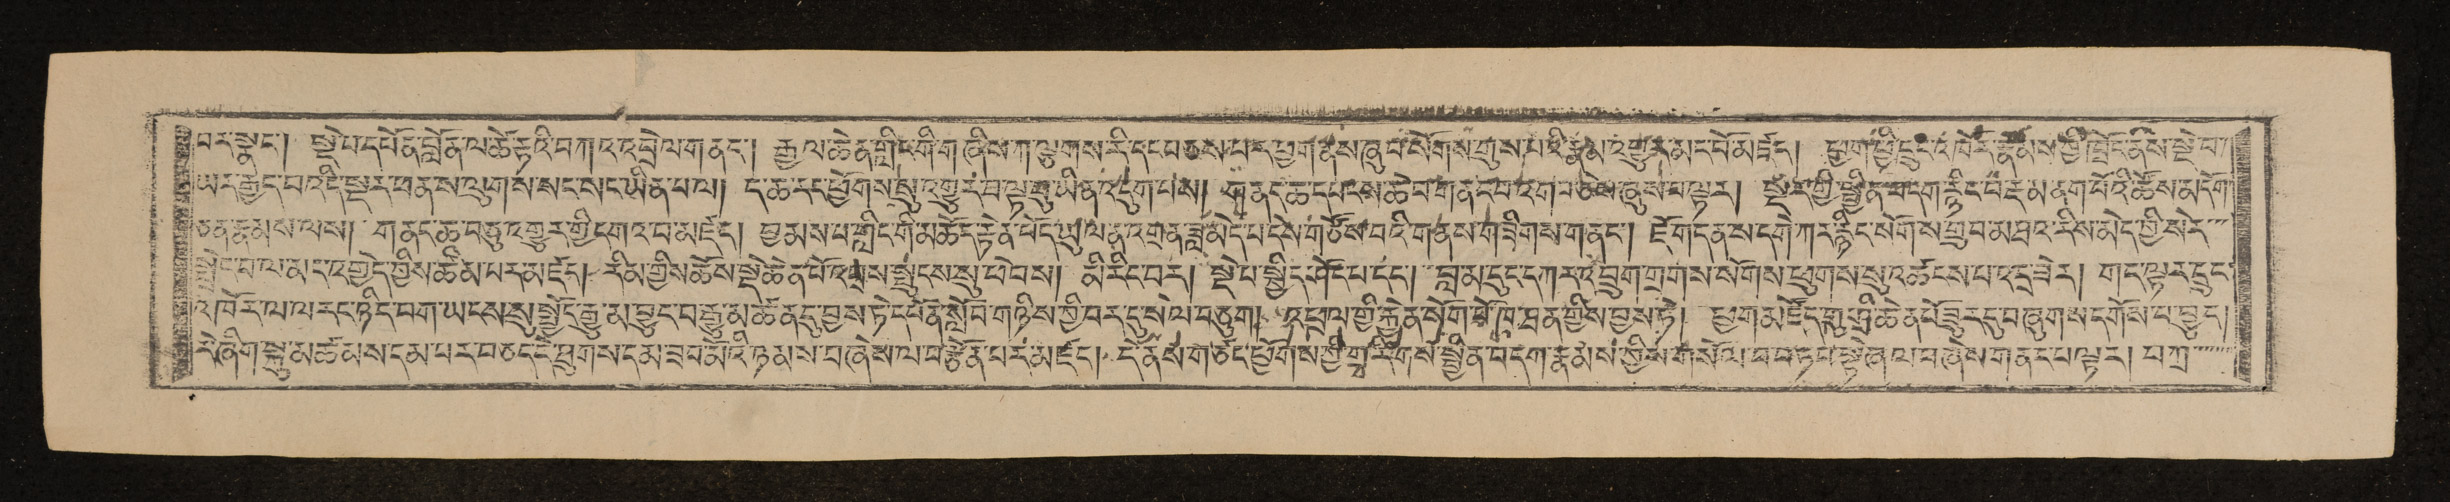བར་སྣང་། སྡེབ་དཔོན་བློན་ལ་ཚེ་རྟའི་བཀའ་འབྲེལ་གནང་། རྒྱལ་ཆེན་གླིང་གི་གཞིས་ཀ་ལྕགས་རི་དང་བཅས་པར་ཕྱག་ནས་ཞུ་བ་སོགས་གུས་པའི་རྣམ་འགྱུར་མང་པོ་མཛད། ཕྱག་ཕྱི་དྲུང་འཁོར་རྣམས་ཀྱི་ཁྲོད་ནས་སྡེ་པ་
ཡར་རྒྱབ་པ་འདི་སྔར་ཕན་ས་ལུགས་སང་སང་ཡིན་པ་ལ། ད་ཆ་རང་ཕྱོགས་སུ་འགྱུར་བ་ལྟ་བུ་ཡིན་འདུག་པས། གནང་ཆ་དཔངས་ཆེ་བ་གནང་བ་འགབ་ཅེས་ཞུས་པ་ལྟར། སྔར་གྱི་སྦྱིན་བདག་རྙིང་བརྡ་མ་ནག་པོའི་ཚོས་མདོག་
ཅན་རྣམས་ལས། གནང་ཆ་བཅུ་འགྱུར་གྱི་དགའ་བ་མཛད། བྱམས་པ་གླིང་གི་མཆོད་རྟེན་བོད་ཡུལ་ན་འགྲན་ཟླ་མེད་པ་དེས་གཙོས་པའི་གནས་གཟིགས་གནང་། ཇོ་གདན་ས་དགེ་ཀར་རྙིང་སོགས་གྲུབ་མཐའ་རིས་མེད་ཀྱི་སེར་
སྦྲེང་བ་ལ་མང་འགྱེད་ཀྱིས་ཚིམ་པར་མཛད། རིམ་གྱིས་ཆོས་སྡེ་ཆེན་པོ་འབྲས་སྤུངས་སུ་ཕེབས། མི་རིང་བར། སྡེ་པ་སྐྱིད་ཤོད་པ་དང་། བླ་མ་དུང་དཀར་འབྲུག་གྲགས་སོགས་ཕུགས་སུ་འཚངས་པ་འདྲ་ཟེར། གང་ལྟར་དྲུང་
འཁོར་ལ་ལ་རང་ཉིད་བག་ཡངས་སུ་སྤྱོད་རྒྱུ་མ་བྱུང་བ་རྒྱུ་མཚན་དུ་བྱས་ཏེ་དཔོན་སློབ་གཉིས་ཀྱི་བར་དུ་སེལ་བ་ཅུག། འཕྲལ་གྱི་རྐྱེན་སོག་པོ་ཁ་ཐན་གྱིས་བྱས་ཏེ། ཕྱག་མཛོད་དགུ་ཤྲི་ཆེན་པོ་ཟུར་དུ་བཞུགས་དགོས་པ་བྱུང་།
རེ་ཞིག་སྐུ་མཚམས་དམ་པར་བཅད་དེ་ཐུགས་དམ་ཟབ་མོའི་ཉམས་བཞེས་ལ་བརྩོན་པར་མཛད། དེ་ནས་གཙང་ཕྱོགས་ཀྱི་གྲྭ་རིགས་སྦྱིན་བདག་རྣམས་ཀྱིས་གསོལ་བ་བཏབ་སྟེ་ཞལ་བཞེས་གནང་བ་ལྟར། བཀྲ་